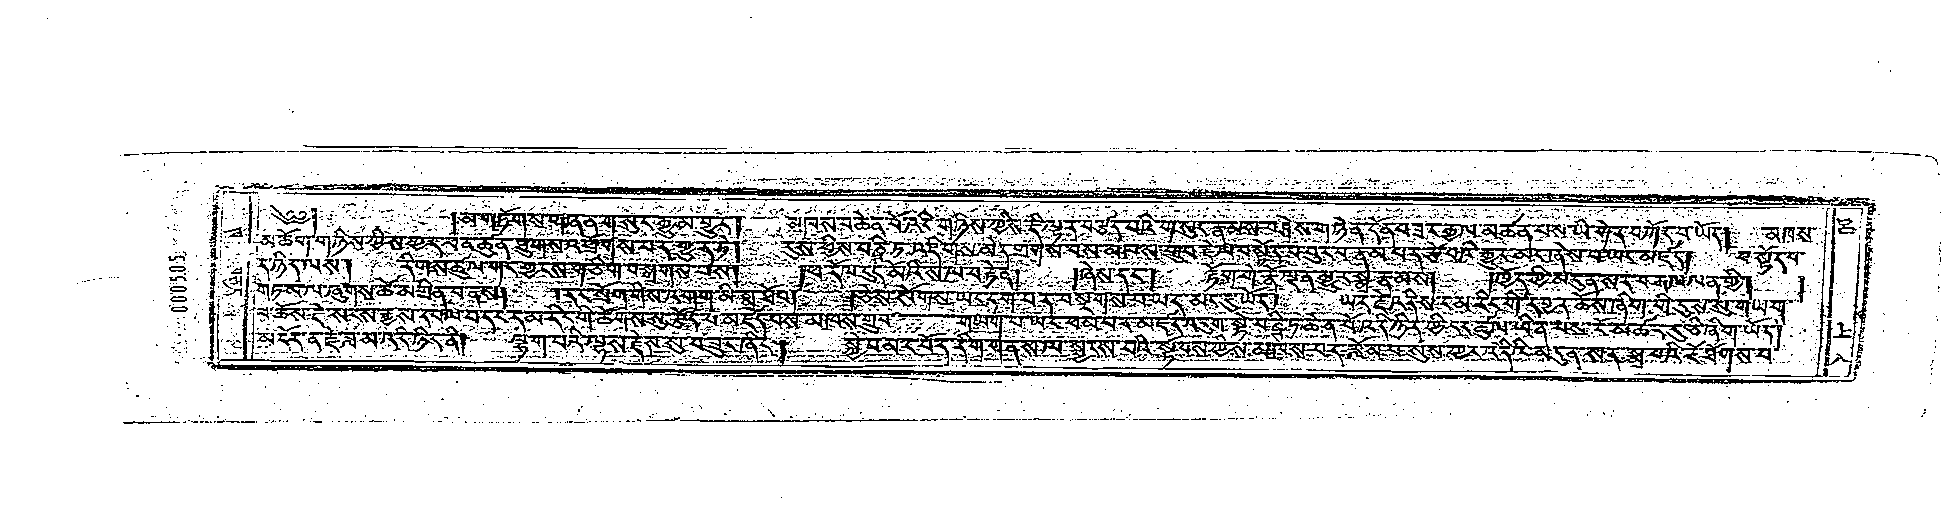༄༅། །མ་གཏོགས་གཞན་གསུང་རྒྱུ་མ་བྱུང་། མཁས་བ་ཆེན་པོ་འདི་གཉིས་ཀྱིས་ཇི་ལྟར་བརྩད་པའི་གསུང་རྣམས་བཤེས་གཉེན་དོན་བཟང་རྒྱལ་མཚན་པས་ཡི་གེར་བཀོད་པ་ཡོད། མཁས་
མཆོག་གཉིས་ཀྱིས་ཀྱང་ཕན་ཚུན་ཐུགས་འཕྲོགས་པར་གྱུར་ཏེ། དུས་ཕྱིས་པཎྚི་ཏ་འཇིགས་མེད་གྲགས་པས་མཁས་གྲུབ་རྗེ་ལ་བསྟོད་པ་བུང་བ་རྣམ་པར་རྩེ་བའི་རྒྱུད་མང་ཞེས་པ་ཡང་མཛད། བསྟོད་པ་
ད་ཉིད་ལས། རིགས་ཚུལ་གང་གྱངས་གཅིག་བསྒྲགས་པས། །ཕ་རོལ་དུད་མོའི་ས་ལ་བརྟེན། །ཞེས་དང་། རྟོག་གེ་རྣོ་ལྡན་མྱུར་སྨྲ་རྣམས། །ཁྱོད་ཀྱི་མདུན་སར་བརྒལ་ལན་གྱི། །
གཏམ་ལ་ཞུགས་ཚེ་མགྲིན་པ་ནས། །རང་སྲོག་གིས་འགག་མི་སྨྲ་ཐོབ། །ཅེས་སོགས་ཡང་དག་པར་བསྔགས་པ་ཡང་མང་དུ་ཡོད། ཡང་རྗེ་འདིས་དམ་རིང་གི་དབྱར་ཆོས་ཞིག་གི་དུས་སུ་གཡག་
པ་ཆོས་རྗེ་སངས་རྒྱས་དཔལ་བ་དང་དམ་རིང་གི་ཚོགས་སུ་རྩོད་བ་མཛད་བས་མཁས་གྲུབ་གཡག་པ་ཡང་ཕམ་པར་མཛད་འདུག་སྟེ་པཎྚི་ཏ་ཆེན་པོ་འདི་ཉིད་ཀྱི་ངང་ཚུལ་ཡིན་པས་ངོ་མཚར་དུ་ཅི་ཞིག་ཡོད།
མདོར་ན་རྗེ་བླ་མ་འདི་ཉིད་ནི། ལྷག་པའི་ལྷས་རྗེས་སུ་བཟུང་ཞིང་། སྐྱེ་བ་མང་བོར་རིག་གནས་ལ་སྦྱངས་པའི་སྟོབས་ཀྱིས་མཁས་པར་རློམ་བ་སུས་ཀྱང་འདིའི་མདུན་སར་སྨྲ་བའི་རྡོ་ཐོགས་པ་